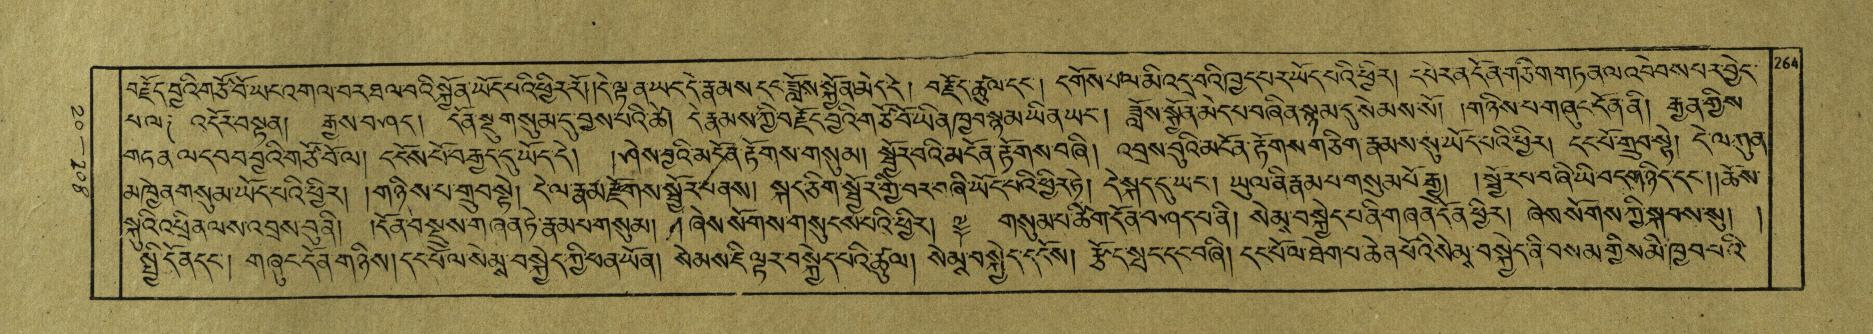བརྗོད་བྱའི་གཙོ་བོ་ཡང་འགལ་བར་ཐལ་བའི་སྐྱོན་ཡོད་པའི་ཕྱིར་རོ། །དེ་ལྟ་ན་ཡང་དེ་རྣམས་དང་ཟློས་སྐྱོན་མེད་དེ། བརྗོད་ཚུལ་དང་། དགོས་པ་ལ་མི་འདྲ་བའི་ཁྱད་པར་ཡོད་པ་འི་ཕྱིར། དཔེར་ན་དོན་གཅིག་གཏན་ལ་འབེབས་པར་བྱེད་
པ་ལ༑ འདོར་བསྟན། རྒྱས་བཤད། དོན་སྡུ་གསུམ་དུ་བྱས་པའི་ཚེ། དེ་རྣམས་ཀྱི་བརྗོད་བྱའི་གཙོ་བོ་ཡིན་ཁྱབ་སྙམ་ཡིན་ཡང་། ཟློས་སྐྱོན་མེད་པ་བཞིན་སྙམ་དུ་སེམས་སོ། །གཉིས་པ་གཞུང་དོན་ནི། རྒྱན་གྱིས་
གཏན་ལ་དབབ་བྱའི་གཙོ་བོ་ལ། དངོས་པོ་བརྒྱད་དུ་ཡོད་དེ། །ཤེས་བྱའི་མངོན་རྟོགས་གསུམ། སྦྱོར་བའི་མངོན་རྟོགས་བཞི། འབྲས་བུའི་མངོན་རྟོགས་གཅིག་རྣམས་སུ་ཡོད་པའི་ཕྱིར། དང་པོ་གྲུབ་སྟེ། དེ་ལ་ཀུན་
མཁྱེན་གསུམ་ཡོད་པའི་ཕྱིར། །གཉིས་པ་གྲུབ་སྟེ། དེ་ལ་རྣམ་རྫོགས་སྦྱོར་པ་ནས། སྐད་ཅིག་སྦྱོར་གྱི་བར་བཞི་ཡོད་པའི་ཕྱིར་ཏེ། དེ་སྐད་དུ་ཡང་། ཡུལ་ནི་རྣམ་པ་གསུམ་པོ་རྒྱུ། །སྦྱོར་བ་བཞི་ཡི་བདག་ཉིད་དང་། །ཆོས་
སྐུའི་འཕྲིན་ལས་འབྲས་བུ་ནི། །དོན་བསྡུས་གཞན་ཏེ་རྣམ་པ་གསུམ། །ཞེས་སོགས་གསུངས་པའི་ཕྱིར། ༈ གསུམ་པ་ཚིག་དོན་བཤད་པ་ནི། སེམས་བསྐྱེད་པ་ནི་གཞན་དོན་ཕྱིར། ཞེས་སོགས་ཀྱི་སྐབས་སུ། །
སྤྱི་དོན་དང་། གཞུང་དོན་གཉིས། དང་པོ་ལ་སེམས་བསྐྱེད་ཀྱི་ཕན་ཡོན། སེམས་ཇི་ལྟར་བསྐྱེད་པའི་ཚུལ། སེམས་བསྐྱེད་དངོས། རྩོད་སྤང་དང་བཞི། དང་པོ་ལ་ཐེག་པ་ཆེན་པོའི་སེམས་བསྐྱེད་ནི་བསམ་གྱིས་མི་ཁྱབ་པའི་